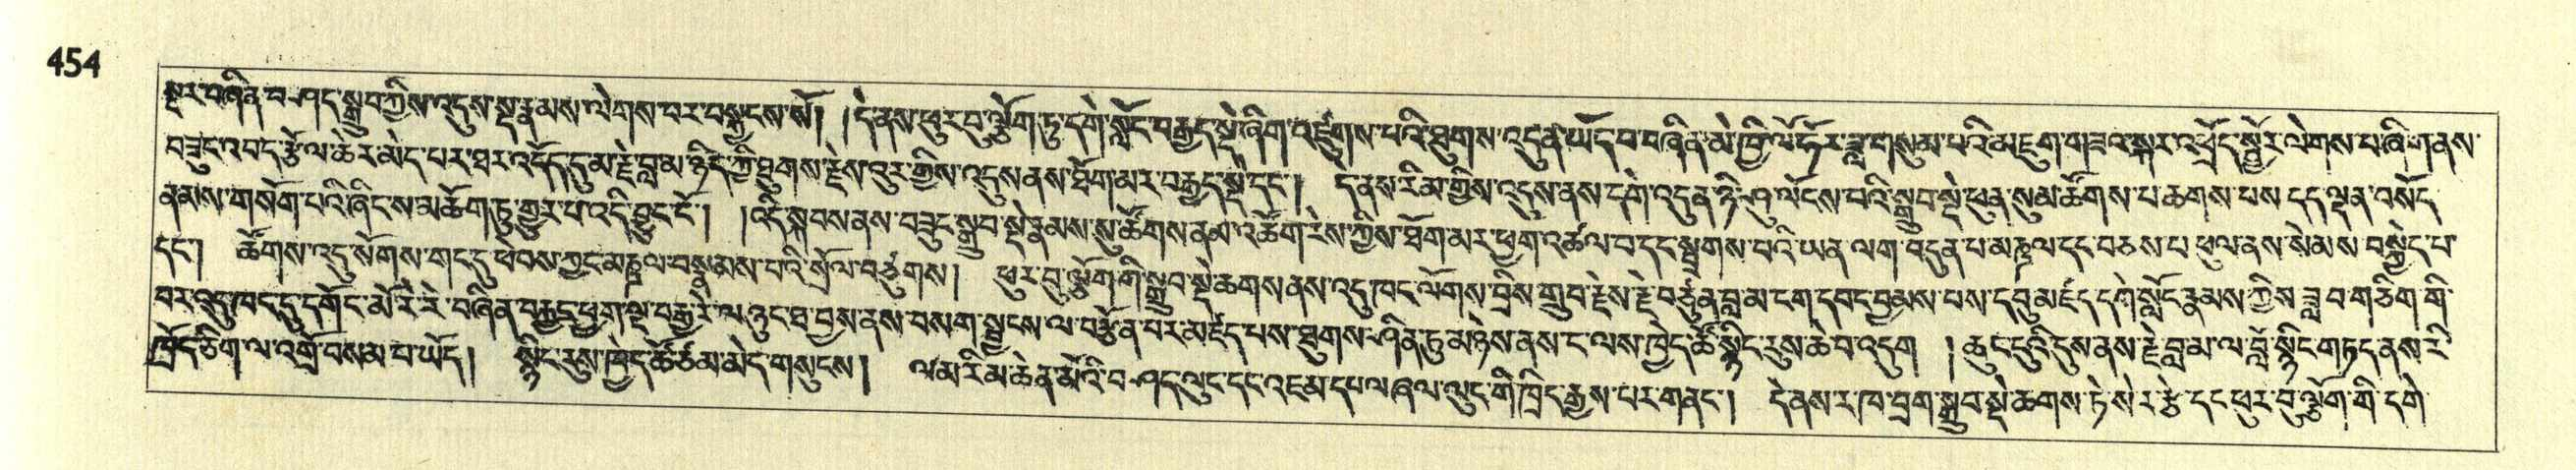སྔར་བཞིན་བཤད་སྒྲུབ་ཀྱིས་འདུས་སྡ་རྣམས་ལེགས་པར་བསྐྱངས་སོ། །དེ་ནས་ཕུར་བུ་ལྕོག་ཏུ་དགེ་སློང་བརྒྱད་སྡེ་ཞིག་འཛུགས་པའི་ཐུགས་འདུན་ཡོད་བ་བཞིན་མེ་ཁྱི་ལོ་ཧོར་ཟླ་གསུམ་པའི་མཇུག་གཟའ་སྐར་འཕྲོད་སྦྱོར་ལེགས་པ་ཞིག་གནས་
བཟུང་འབད་རྩོལ་ཆེར་མེད་པར་ཐར་འདོད་དུ་མ་རྗེ་བླ་མ་ཉིད་ཀྱི་ཐུགས་རྗེས་འུར་གྱིས་འདུས་ནས་ཐོག་མར་བརྒྱད་སྡེ་དང་། དེ་ནས་རིམ་གྱིས་འདུས་ནས་དགེ་འདུན་ཉི་ཤུ་ལོངས་བའི་སྒྲུབ་སྡེ་ཕུན་སུམ་ཚོགས་པ་ཆགས་པས་དད་ལྡན་བསོད་
ནམས་གསོག་པའི་ཞིང་ས་མཆོག་ཏུ་གྱུར་པ་འདི་བྱུང་ངོ། །འདི་སྐབས་ནས་བཟུང་སྒྲུབ་སྡེ་རྣམས་སུ་ཚོགས་ནམ་འཚོག་རེས་ཀྱིས་ཐོག་མར་ཕྱག་འཚལ་བ་དང་སྦྲགས་པའི་ཡན་ལག་བདུན་པ་མཎྜལ་དང་བཅས་པ་ཕུལ་ནས་སེམས་བསྐྱེད་པ་
དང་། ཚོགས་འདུ་སོགས་གང་དུ་ཕེབས་ཀྱང་མཎྜལ་བསྣམས་པའི་སྲོལ་བཙུགས། ཕུར་བུ་ལྕོག་གི་སྒྲུབ་སྡེ་ཆགས་ནས་འདུ་ཁང་ལོགས་བྲིས་གྲུབ་རྗེས་རྗེ་བཙུན་བླ་མ་ངག་དབང་བྱམས་པས་དབུ་མཛད་དགེ་སློང་རྣམས་ཀྱིས་ཟླ་བ་གཅིག་གི་
བར་འདུ་ཁང་དུ་དགོང་མོ་རེ་རེ་བཞིན་བརྒྱད་ཕྱག་ལྔ་བརྒྱ་རེ་ལ་ཉུང་ཐ་བྱས་ནས་བསག་སྦྱངས་ལ་བརྩོན་པར་མཛད་པས་ཐུགས་ཤིན་ཏུ་མཉེས་ནས་ང་ལས་ཁྱེད་ཚེ་སྙིང་རུས་ཆེ་བ་འདུག །ཆུང་དུའི་དུས་ནས་རྗེ་བླ་མ་ལ་བློ་སྙིང་གཏད་ནས་རི་
ཁྲོད་ཅིག་ལ་འགྲོ་བསམ་པ་ཡོད། སྙིང་རུས་ཁྱེད་ཚོ་ཙམ་མེད་གསུངས། ལམ་རིམ་ཆེན་མོའི་བཤད་ལུང་དང་འཇམ་དཔལ་ཞལ་ལུང་གི་ཁྲིད་རྒྱས་པར་གནང་། དེ་ནས་ར་ཁ་བྲག་སྒྲུབ་སྡེ་ཆགས་ཏེ་སེར་རྩེ་དང་ཕུར་བུ་ལྕོག་གི་དགེ་